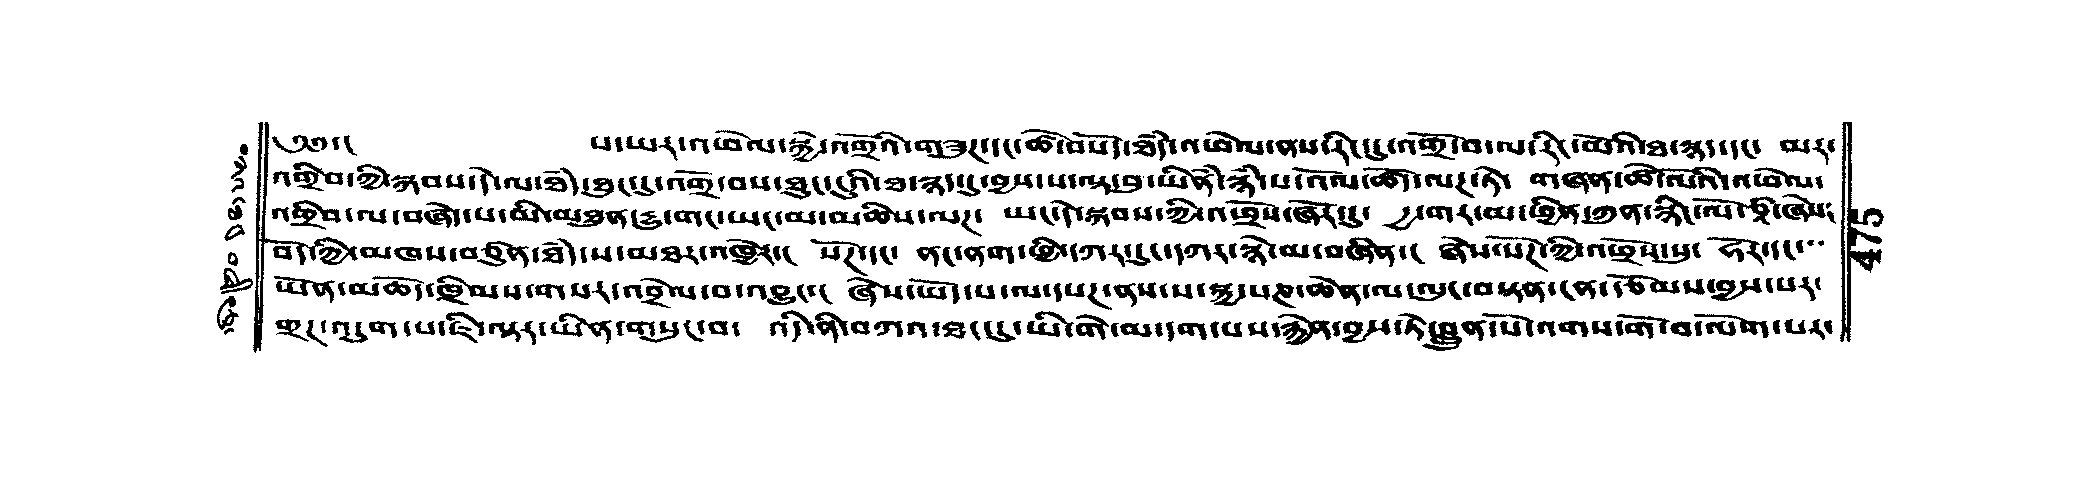པ་ཡར་འཕེལ་སྐྱེ་འགྲོའི་གཟུགས་དང་ཚེ་བསོད་ཐམས་ཅད་འཕེལ་ནས་རིང་དུ་འགྲོ་བ་ལ་རིང་མོའི་ཐ་སྙད་དང་། མར་
འགྲིབ་ཀྱི་སྐབས་དེ་ལ་ཐམས་ཅད་ཐུང་དུ་འགྲོ་བས་ཐུང་ངུའི་ཐ་སྙད་དུ་བྱས་པ་ལྟ་བུ་ཡིན་ནམ་སྙམ་པ་འོལ་ཚོད་ལགས་ཏེ། གཞན་ཚེ་ལོའི་འཕེལ་
འགྲིབ་ལ་བཞེད་པ་མི་མཐུན་རྒྱུ་གང་ཡང་མ་མཆིས་ལགས། ཡང་དེ་སྐབས་ཀྱི་འཕྲོས་ཞོར་དུ། རྒྱ་གར་མ་ཕྱིན་ཀུན་སྙིང་ལོ་ཙཱ་ཞེས། །
བོད་ཀྱི་མཁས་བཙུན་ཐམས་ཅད་ས་མཐར་འཁྱར། སོགས་དང་། ནང་ནག་ཕྱི་དཀར་དུང་དཀར་སྙེ་མ་བཞིན། ཞེས་སོགས་ཀྱི་འཕྲོས་སུ། ཧོར་དང་
ཡོན་མཆོད་ཁྲིམས་གསར་འབྲེལ་བ་འབྱུང་། ཞེས་ཡོད་པ་ལ་དཔགས་ནས་ས་སྐྱ་པཎ་ཆེན་ལ་ལུང་བསྟན་ངན་རྩོམས་བྱས་པར་
གྲགས་འདུག་པ་ཇི་ལྟར་ཡིན་གསུང་བ། འདི་ནི་བཀའ་ཐང་དུ་ཡི་གེ་མ་དག་པས་རྐྱེན་བྱས་ཏེ་བླུན་པོ་འགས་གོ་བ་ལོག་པར་